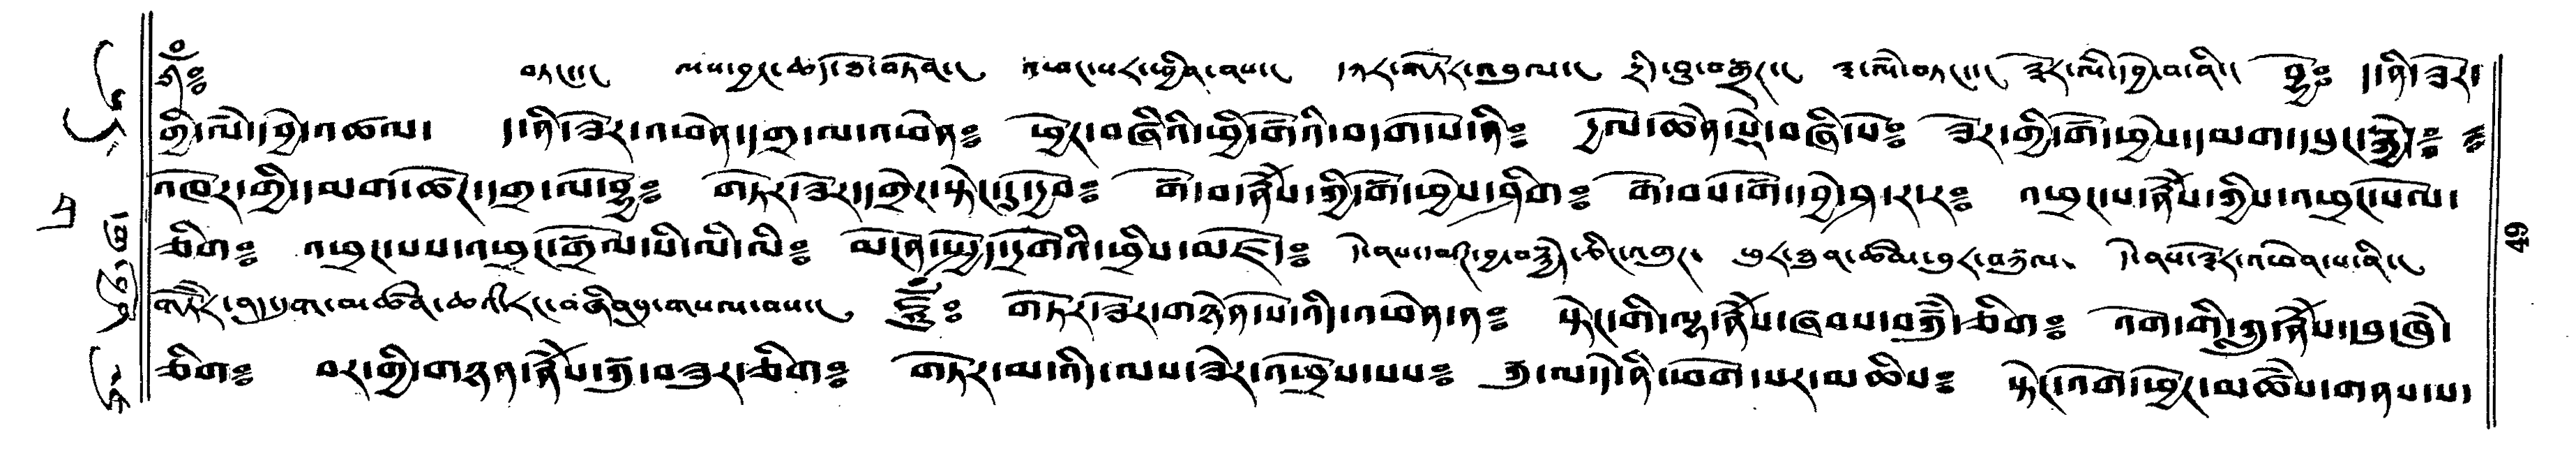བཏང། ལས་བྱང་གི་ཆད་ཐོ་བཏོན། འཕང་སར་ཕྱིན་ནས། དཀར་གཏོར་འབུལ། སྲིད་པ་འཁོར་ལོའི་རྒྱབ་ཡིག་བསྒྲགས། ཟ་ལམ་བཏང་། ཟོར་ལམ་དབྱེ་བ་ནི། བྷྱོ༔ ད་ནི་ཟོར་
གྱི་ལམ་དབྱེ་འཚལ༔ ད་ནི་ཟོར་འཕེན་དགྲ་ལ་འཕེན༔ ཕྱོགས་བཞིའི་ཕྱི་སྒོའི་བདག་པོ་ནི༔ རྒྱལ་པོ་ཆེན་པོ་སྡེ་བཞི་པོ༔ ཟོར་གྱི་སྒོ་ཕྱེས་དམག་དཔུང་སྐྱོད༔ 
འཁོར་གྱི་དམག་ཚོགས་དགྲ་ལ་བྷྱོ༔ གཏོར་ཟོར་དགྲ་བགེགས་སྟེང་དུ་རྒྱོབ༔ སྒོ་བ་རྣམས་ཀྱི་སྒོ་ཕྱེས་ཤིག༔ སྒོ་བས་སྒོ་དབྱེ་ཤ་ར་ར༔ འཕྲང་པ་རྣམས་ཀྱིས་འཕྲང་སོལ་
ཅིག༔ འཕྲང་པས་འཕྲང་སྒྲོལ་སི་ལི་ལི༔ མངོན་སྤྱོད་དྲག་པོའི་ཕྲིན་ལས་མཛོད༔ དེ་ནས་དམིགས་བྱ་བསྐྱེད་ཅིང་འགུགས། ཕུར་ཐུན་ཚོམ་བུར་བསྐུལ། དེ་ནས་ཟོར་འཕེན་པ་ནི། 
གཏོར་མ་ནད་དུག་མཚོན་ཆའི་རང་བཞིན་དུ་གསལ་བས། ཧཱུྃ༔ གཏོར་ཟོར་གཉེན་པོ་འདི་འཕེན་ན༔ སྟེང་གི་ལྷ་རྣམས་ཞབས་བསྐུམ་ཅིག༔ འོག་གི་ཀླུ་རྣམས་དབུ་ཁུམ་
ཅིག༔ བར་གྱི་གཉན་རྣམས་སྐུ་ཟུར་ཅིག༔ གཏོར་མ་འདི་ལས་ཟེར་འཕྲོས་པས༔ སྐུ་ལ་དེ་ནི་ཕོག་པར་མཆིས༔ སྟེང་འོག་ཕྱོགས་མཚམས་གནས་པ་